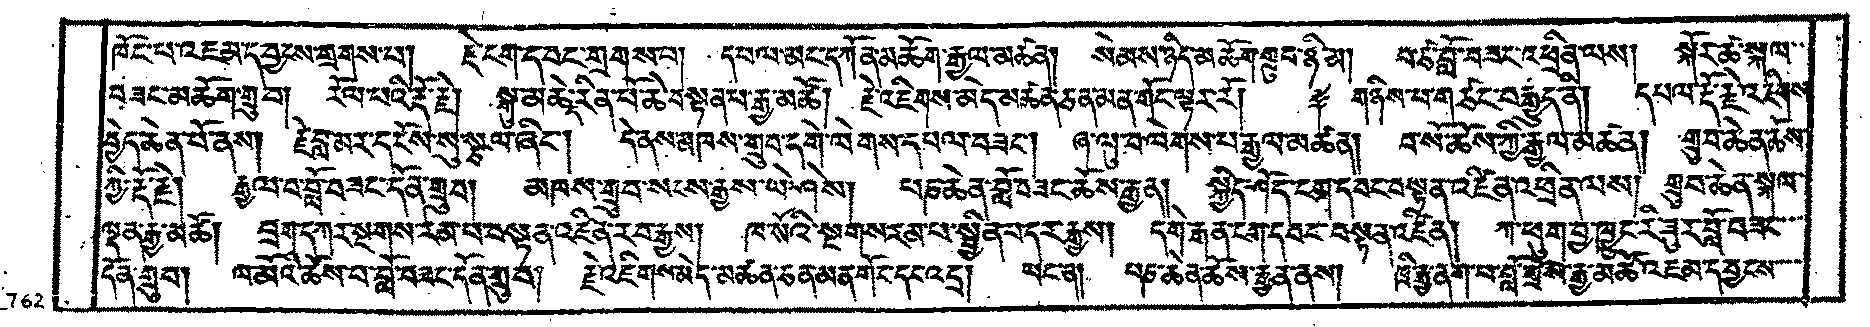ཁོང་པ་འཇམ་དབྱངས་གྲགས་པ། རྗེ་ངག་དབང་གྲགས་པ། དཔལ་མང་དཀོན་མཆོག་རྒྱལ་མཚན། སེམས་ཉིད་མཆོག་གྲུབ་ཉི་མ། བ་ཙ་བློ་བཟང་འཕྲིན་ལས། སྐོར་ཚ་སྐལ་
བཟང་མཆོག་གྲུབ། རོལ་པའི་རྡོ་རྗེ། སྐུ་མཆེད་རིན་པོ་ཆེ་བསྟན་པ་རྒྱ་མཚོ། རྗེ་འཇིགས་མེད་མཚན་ཅན་མན་གོང་ལྟར་རོ། ༈ གཉིས་པ་གཙང་བརྒྱུད་ནི། དཔལ་རྡོ་རྗེ་འཇིགས་
བྱེད་ཆེན་པོ་ནས། རྗེ་བླ་མར་དངོས་སུ་སྩལ་ཞིང་། དེ་ནས་མཁས་གྲུབ་དགེ་ལེགས་དཔལ་བཟང་། ཞ་ལུ་བ་ལེགས་པ་རྒྱལ་མཚན། བ་སོ་ཆོས་ཀྱི་རྒྱལ་མཚན། གྲུབ་ཆེན་ཆོས་
ཀྱི་རྡོ་རྗེ། རྒྱལ་བ་བློ་བཟང་དོན་གྲུབ། མཁས་གྲུབ་སངས་རྒྱས་ཡེ་ཤེས། པཎ་ཆེན་བློ་བཟང་ཆོས་རྒྱན། སྐྱིད་ཤོད་ངག་དབང་བསྟན་འཛིན་འཕྲིན་ལས། གྲུབ་ཆེན་སྐལ་
ལྡན་རྒྱ་མཚོ། བྲག་དཀར་སྔགས་རམ་པ་བསྟན་འཛིན་རབ་རྒྱས། ཁ་སོའི་སྔགས་རམ་པ་སྦྱིན་པ་དར་རྒྱས། དགེ་རྒན་ངག་དབང་བསྟན་འཛིན། ཀ་ཕུག་བྱ་ཁྱུང་རི་ཟུར་བློ་བཟང་
དོན་གྲུབ། ལ་མོའི་ཆོས་པ་བློ་བཟང་དོན་གྲུབ། རྗེ་འཇིགས་མེད་མཚན་ཅན་མན་གོང་དང་འདྲ། ཡང་ན། པཎ་ཆེན་ཆོས་རྒྱན་ནས། ཁྲི་རྒྱ་ནག་པ་བློ་གྲོས་རྒྱ་མཚོ་འཇམ་དབྱངས་